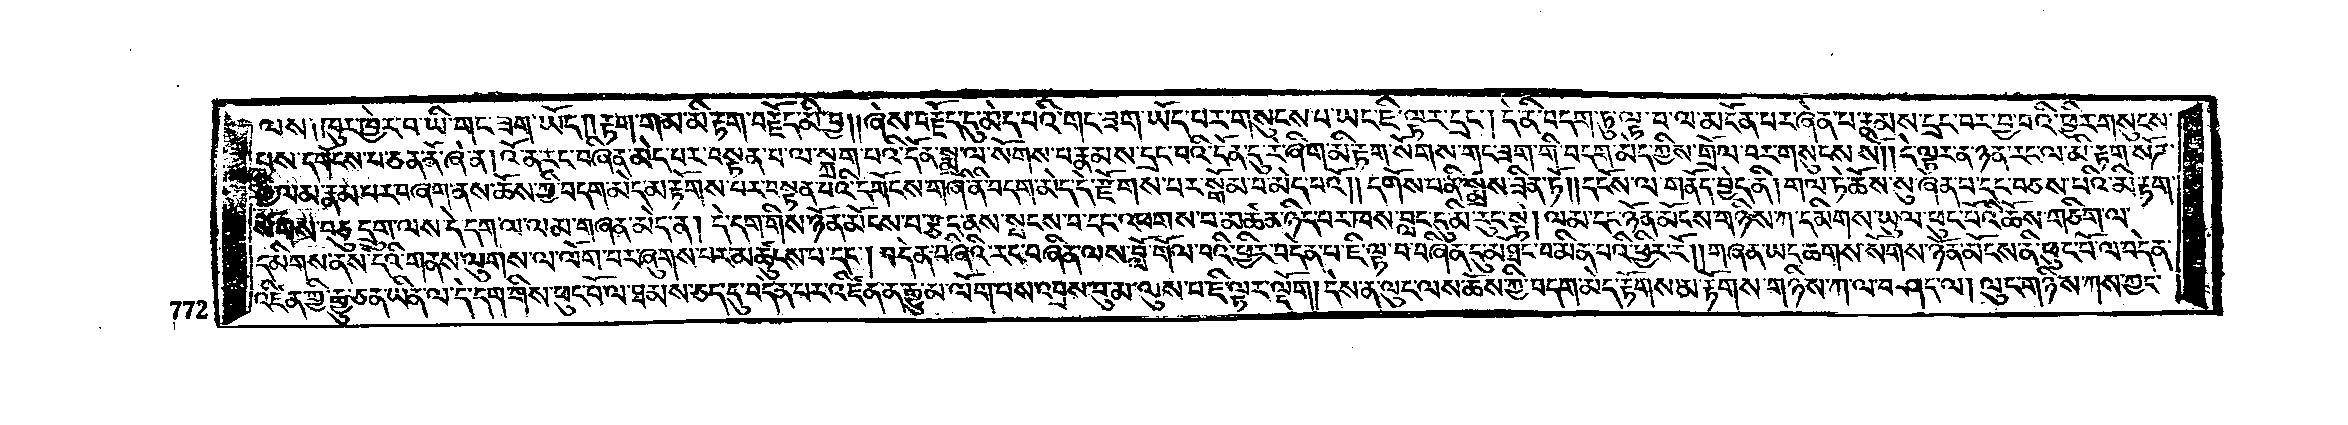ལས། ཁུར་ཁྱེར་བ་ཡི་གང་ཟག་ཡོད། །རྟག་གམ་མི་རྟག་བརྗོད་མི་བྱ། །ཞེས་བརྗོད་དུ་མེད་པའི་གང་ཟག་ཡོད་པར་གསུངས་པ་ཡང་ཇི་ལྟར་དྲང་། དེ་ནི་བདག་ཏུ་ལྟ་བ་ལ་མངོན་པར་ཞེན་པ་རྣམས་དྲང་བར་བྱ་བའི་ཕྱིར་གསུངས་
པས་དགོངས་པ་ཅན་ནོ་ཞེ་ན། འོ་ན་རང་བཞིན་མེད་པར་བསྟན་པ་ལ་སྐྲག་པའི་དོན་སྨྲ་ལ་སོགས་པ་རྣམས་དྲང་བའི་དོན་དུ་རེ་ཞིག་མི་རྟག་སོགས་གང་ཟག་གི་བདག་མེད་ཀྱིས་གྲོལ་བར་གསུངས་སོ། །དེ་ལྟར་ན་ཉན་རང་ལ་མི་རྟག་སོགས་
ཀྱི་ལམ་རྣམ་པར་བཞག་ནས་ཆོས་ཀྱི་བདག་མེད་མ་རྟོགས་པར་བསྟན་པའི་དགོངས་གཞི་ནི་བདག་མེད་དེ་རྫོགས་པར་སྒོམ་པ་མེད་པའོ། །དགོས་པ་ནི་སྨྲས་ཟིན་ཏོ། །དངོས་ལ་གནོད་བྱེད་ནི། གལ་ཏེ་ཆོས་སུ་ཞེན་པ་དང་བཅས་པའི་མི་རྟག་
སོགས་བཅུ་དྲུག་ལས་དེ་དག་ལ་ལམ་གཞན་མེད་ན། དེ་དག་གིས་ཉོན་མོངས་པ་རྩད་ནས་སྤངས་པ་དང་འཕགས་པ་མཚན་ཉིད་པར་ཁས་བླང་དུ་མི་རུང་སྟེ། ལམ་དང་ཉོན་མོངས་གཉིས་ཀ་དམིགས་ཡུལ་ཕུང་པོའི་ཆོས་གཅིག་ལ་
དམིགས་ནས་དེའི་གནས་ལུགས་ལ་ལོག་པར་ཞུགས་པར་མཚུངས་པ་དང་། བདེན་བཞིའི་རང་བཞིན་ལས་བློ་གོལ་བའི་ཕྱིར་བདེན་པ་ཇི་ལྟ་བ་བཞིན་དུ་མཐོང་བ་མིན་པའི་ཕྱིར་རོ། །གཞན་ཡང་ཆགས་སོགས་ཉོན་མོངས་ནི་ཕུང་པོ་ལ་བདེན་
འཛིན་གྱི་རྒྱུ་ཅན་ཡིན་ལ་དེ་དག་གིས་ཕུང་པོ་ལ་ཐམས་ཅད་དུ་བདེན་པར་འཛིན་ན་རྒྱུ་མ་ལོག་པས་འབྲས་བུ་མ་ལུས་པ་ཇི་ལྟར་ལྡོག །དེས་ན་ལུང་ལས་ཆོས་ཀྱི་བདག་མེད་རྟོགས་མ་རྟོགས་གཉིས་ཀ་ལ་བཤད་ལ། ལུང་གཉིས་ཀས་ཀྱང་